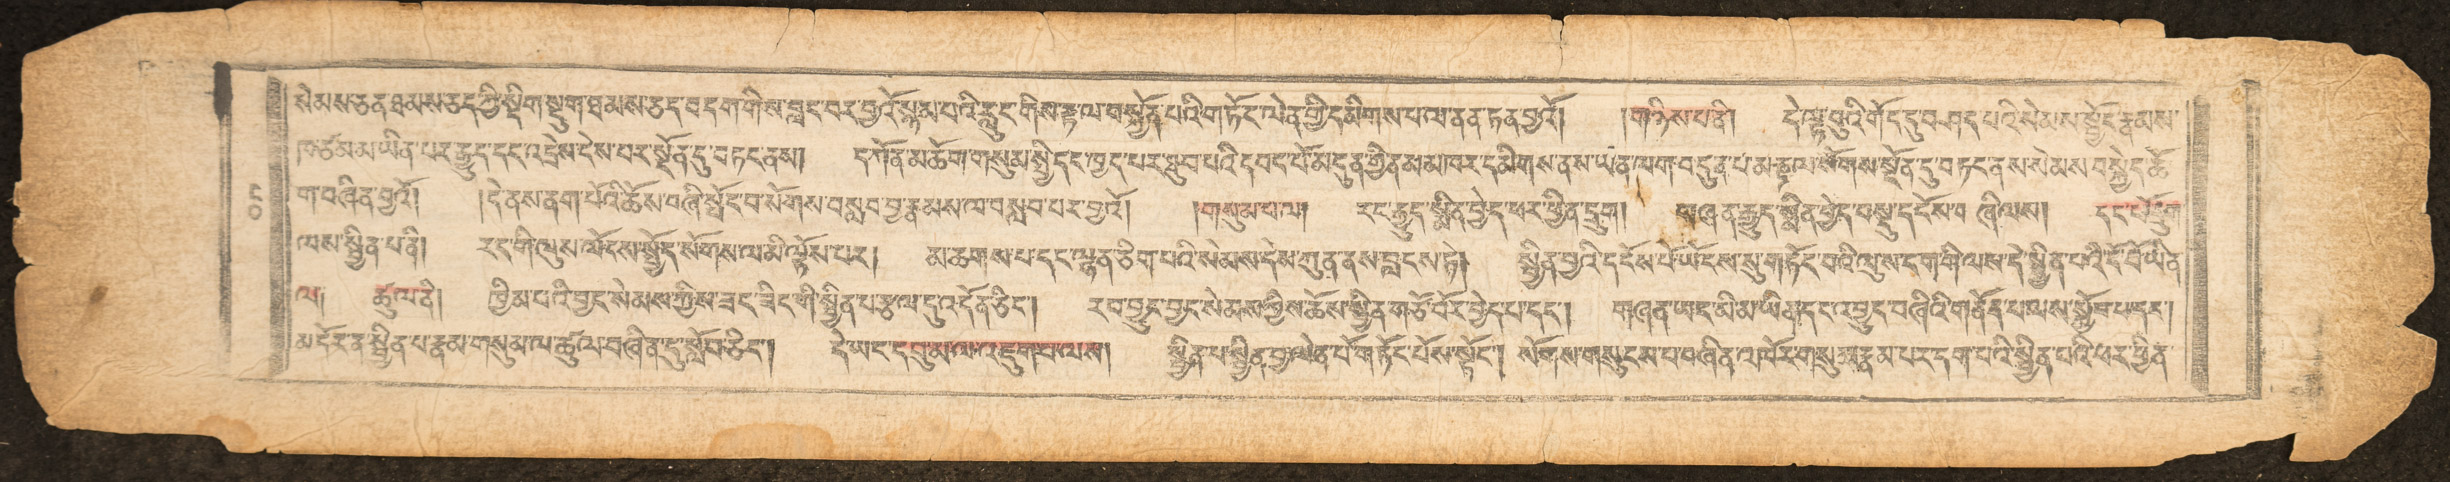སེམས་ཅན་ཐམས་ཅད་ཀྱི་སྡིག་སྡུག་ཐམས་ཅད་བདག་གིས་བླང་བར་བྱའོ་སྙམ་པའི་རླུང་གིས་རྟ་ལ་བསྐྱོད་པའི་གཏོང་ལེན་གྱི་དམིགས་པ་ལ་ནན་ཏན་བྱའོ། །གཉིས་པ་ནི། དེ་ལྟ་བུའི་གོང་དུ་བཤད་པའི་སེམས་སྦྱོང་རྣམས་
ཁ་ཙམ་མ་ཡིན་པར་རྒྱུད་དང་འདྲེས་ངེས་བར་སྔོན་དུ་བཏང་ནས། དཀོན་མཆོག་གསུམ་སྤྱི་དང་ཁྱད་པར་ཐུབ་པའི་དབང་པོ་མདུན་གྱི་ནམ་མཁར་དམིགས་ནས་ཡན་ལག་བདུན་པ་མཎྜལ་སོགས་སྔོན་དུ་བཏང་ནས་སེམས་བསྐྱེད་ཆོ་
ག་བཞིན་བྱའོ། །དེ་ནས་ནག་པོའི་ཆོས་བཞི་སྤོང་བ་སོགས་བསླབ་བྱ་རྣམས་ལ་བསླབ་པར་བྱའོ། །གསུམ་པ་ལ། རང་རྒྱུད་སྨིན་བྱེད་ཕར་ཕྱིན་དྲུག། གཞན་རྒྱུད་སྨིན་བྱེད་བསྡུ་དངོས་བཞི་ལས། དང་པོ་དྲུག་
ལས་སྦྱིན་པ་ནི། རང་གི་ལུས་ལོངས་སྤྱོད་སོགས་ལ་མི་ལྟོས་པར། མ་ཆགས་པ་དང་ལྷན་ཅིག་པའི་སེམས་དེས་ཀུན་ནས་བླངས་ཏེ། སྦྱིན་བྱའི་དངོས་པོ་ཡོངས་སུ་གཏོང་བའི་ལུས་ངག་གི་ལས་དེ་བྱིན་པའི་ངོ་བོ་ཡིན་
ལ༑ ཚུལ་ནི། ཁྱིམ་པའི་བྱང་སེམས་ཀྱིས་ཟང་ཟིང་གི་སྦྱིན་པ་རྩལ་དུ་འདོན་ཅིང་། རབ་བྱུང་བྱང་སེམས་ཀྱིས་ཆོས་སྦྱིན་གཙོ་བོར་བྱེད་པ་དང་། གཞན་ཡང་མི་མ་ཡིན་དང་འབྱུང་བཞིའི་གནོད་པ་ལས་སྐྱོབ་པ་དང་།
མདོར་ན་སྦྱིན་པ་རྣམ་གསུམ་ལ་ཚུལ་བཞིན་དུ་སློབ་ཅིང་། དེ་ཡང་དབུ་མ་ལ་འཇུག་པ་ལས། སྦྱིན་པ་སྦྱིན་བྱ་ལེན་པོ་གཏོང་བོས་སྟོང་། སོགས་གསུངས་པ་བཞིན་འཁོར་གསུམ་རྣམ་པར་དག་པའི་སྦྱིན་པའི་ཕར་བྱིན་